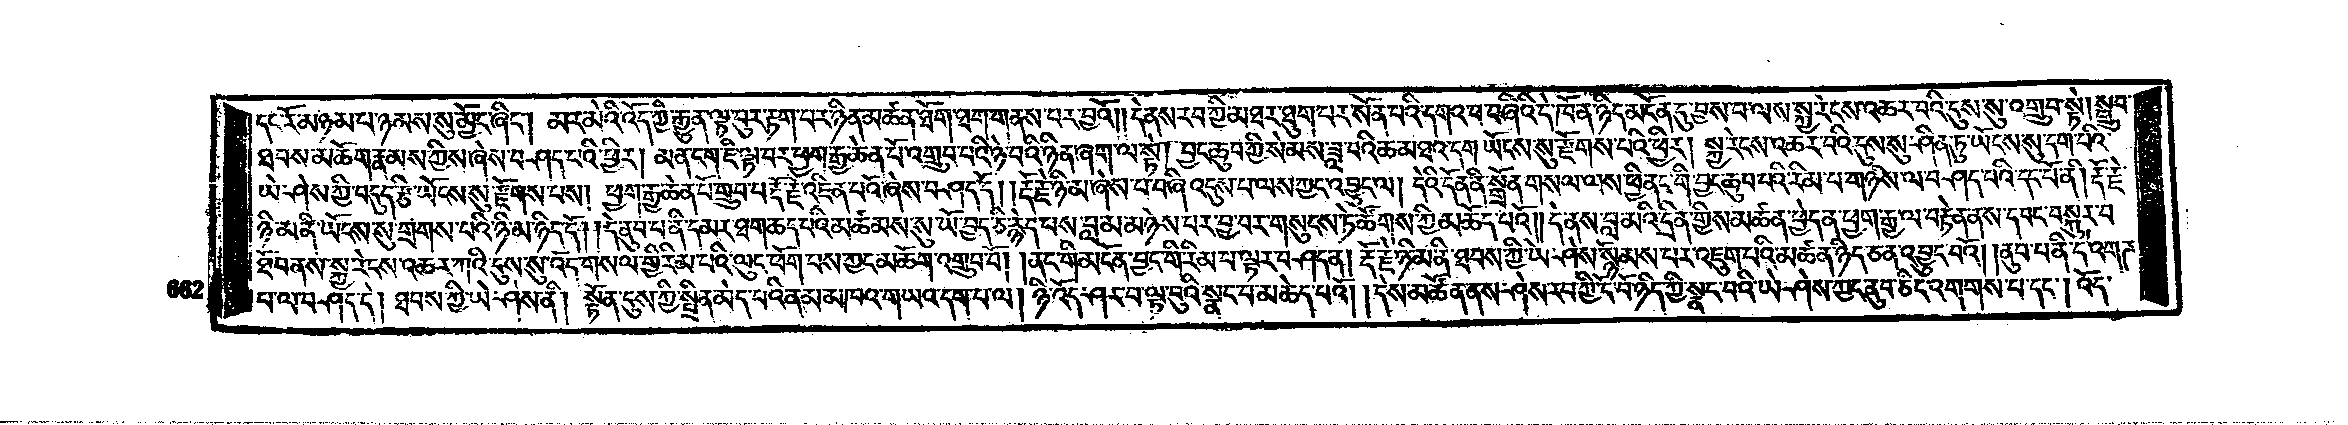དང་རོ་མཉམ་པ་ཉམས་སུ་མྱོང་ཞིང་། མར་མེའི་འོད་ཀྱི་རྒྱུན་ལྟ་བུར་རྟག་པར་ཉིན་མཚན་ཐོག་ཐག་གནས་པར་བྱའོ། །དེ་ནས་རབ་ཀྱི་མཐར་ཐུག་པར་སོན་པའི་དགའ་བ་བཞིའི་དེ་ཁོ་ན་ཉིད་མངོན་དུ་བྱས་པ་ལས་སྐྱ་རེངས་འཆར་བའི་དུས་སུ་འགྲུབ་སྟེ། སྒྲུབ་
ཐབས་མཆོག་རྣམས་ཀྱིས་ཞེས་བཤད་པའི་ཕྱིར། མན་ངག་ཇི་ལྟ་བར་ཕྱག་རྒྱ་ཆེན་པོ་འགྲུབ་པའི་ཉེ་བའི་ཉིན་ཞག་ལ་སྟེ། བྱང་ཆུབ་ཀྱི་སེམས་ཟླ་བའི་ཆ་མཐའ་དག་ཡོངས་སུ་རྫོགས་པའི་ཕྱིར། སྐྱ་རེངས་འཆར་བའི་དུས་སུ་ཤིན་ཏུ་ཡོངས་སུ་དག་པའི་
ཡེ་ཤེས་ཀྱི་བདུད་རྩི་ཡོངས་སུ་རྫོགས་པས། ཕྱག་རྒྱ་ཆེན་པོ་གྲུབ་པ་རྡོ་རྗེ་འཛིན་པའོ་ཞེས་བཤད་དོ། །རྡོ་རྗེ་ཉི་མ་ཞེས་པ་བཞི་འདུས་པ་ལས་ཀྱང་འབྱུང་ལ། དེའི་དོན་ནི་སྒྲོན་གསལ་ལས་ཕྱི་ནང་གི་བྱང་ཆུབ་པའི་རིམ་པ་གཉིས་ལ་བཤད་པའི་དང་པོ་ནི། རྡོ་རྗེ་
ཉི་མ་ནི་ཡོངས་སུ་གྲགས་པའི་ཉི་མ་ཉིད་དོ། །དེ་ནུབ་པ་ནི་དམར་ཐག་ཆད་པའི་མཚམས་སུ་ཡོ་བྱད་ཅི་རྙེད་པས་བླ་མ་མཉེས་པར་བྱ་བར་གསུངས་ཏེ་ཚོགས་ཀྱི་མཆོད་པའོ། །དེ་ནས་བླ་མའི་དྲིན་གྱིས་མཚན་ཕྱེད་ན་ཕྱག་རྒྱ་ལ་བརྟེན་ནས་དབང་བསྐུར་བ་
ཐོབ་ནས་སྐྱ་རེངས་འཆར་ཀའི་དུས་སུ་འོད་གསལ་གྱི་རིམ་པའི་ལུང་ཕོག་པས་ཀྱང་མཆོག་འགྲུབ་བོ། །ནང་གི་མངོན་བྱང་གི་རིམ་པ་ལྟར་བཤད་ན། རྡོ་རྗེ་ཉི་མ་ནི་ཐབས་ཀྱི་ཡེ་ཤེས་སྙོམས་པར་འཇུག་པའི་མཚན་ཉིད་ཅན་འབྱུང་བའོ། །ནུབ་པ་ནི་དེ་འགགས་
པ་ལ་བཤད་དེ། ཐབས་ཀྱི་ཡེ་ཤེས་ནི། སྟོན་དུས་ཀྱི་སྤྲིན་མེད་པའི་ནམ་མཁའ་གཡའ་དག་པ་ལ། ཉི་འོད་ཤར་བ་ལྟ་བུའི་སྣང་བ་མཆེད་པའོ། །དེས་མཚོན་ནས་ཤེས་རབ་ཀྱི་ངོ་བོ་ཉིད་ཀྱི་སྣང་བའི་ཡེ་ཤེས་ཀྱང་ནུབ་ཅིང་འགགས་པ་དང་། འོད་